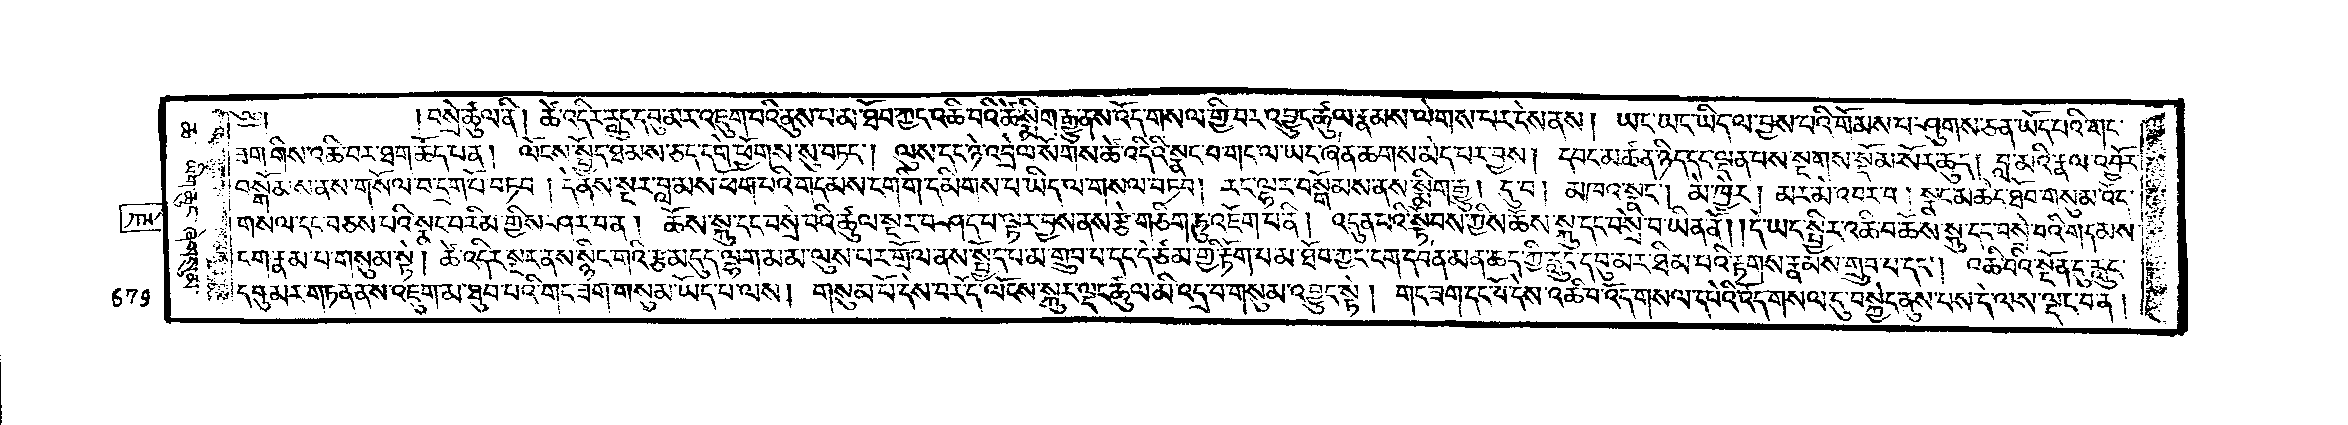༄༅། །བསྲེ་ཚུལ་ནི། ཚེ་འདིར་རླུང་དབུ་མར་འཇུག་པའི་ནུས་པ་མ་ཐོབ་ཀྱང་འཆི་བའི་ཚེ་སྨིག་རྒྱུ་ནས་འོད་གསལ་གྱི་བར་འབྱུང་ཚུལ་རྣམས་ལེགས་པར་ངེས་ནས། ཡང་ཡང་ཡིད་ལ་བྱས་པའི་གོམས་པ་ཤུགས་ཅན་ཡོད་པའི་གང་
ཟག་གིས་འཆི་བར་ཐག་ཆོད་པ་ན། ལོངས་སྤྱོད་ཐམས་ཅད་དགེ་ཕྱོགས་སུ་བཏང་། ལུས་དང་ཉེ་འབྲེལ་སོགས་ཚེ་འདིའི་སྣང་བ་གང་ལ་ཡང་ཞེན་ཆགས་མེད་པར་བྱས། དབང་མཚན་ཉིད་དང་ལྡན་པས་སྔགས་སྡོམ་སོར་ཆུད། བླ་མའི་རྣལ་འབྱོར་
བསྒོམས་ནས་གསོལ་བ་དྲག་པོ་བཏབ། དེ་ནས་སྔར་བླ་མས་ཕོག་པའི་གདམས་ངག་གི་དམིགས་པ་ཡིད་ལ་གསལ་བཏབ། རང་ལྷག་བསྒོམས་ནས་སྨིག་རྒྱུ། དུ་བ། མཁའ་སྣང་། མེ་ཁྱེར། མར་མེ་འབར་བ། སྣང་མཆེད་ཐོབ་གསུམ་འོད་
གསལ་དང་བཅས་པའི་སྣང་བ་རིམ་གྱིས་ཤར་བ་ན། ཆོས་སྐུ་དང་བསྲེ་བའི་ཚུལ་སྔར་བཤད་པ་ལྟར་བྱས་ནས་རྩེ་གཅིག་ཏུ་འཇོག་པ་ནི། འདུན་པའི་སྟོབས་ཀྱིས་ཆོས་སྐུ་དང་བསྲེ་བ་ཡིན་ནོ། །དེ་ཡང་སྤྱིར་འཆི་བ་ཆོས་སྐུ་དང་བསྲེ་བའི་གདམས་
ངག་རྣམ་པ་གསུམ་སྟེ། ཚེ་འདིར་སྔར་ནས་སྙིང་གའི་རྩ་མདུད་ལྷག་མ་མ་ལུས་པར་གྲོལ་ནས་སྤྱོད་པ་མ་གྲུབ་པ་དང་དེ་ཙམ་གྱི་རྟོག་པ་མ་ཐོབ་ཀྱང་ངག་དབེན་མན་ཆད་ཀྱི་རླུང་དབུ་མར་ཐིམ་པའི་རྟགས་རྣམས་གྲུབ་པ་དང་། འཆི་བའི་སྔོན་དུ་རླུང་
དབུ་མར་གཏན་ནས་འཇུག་མ་ཐུབ་པའི་གང་ཟག་གསུམ་ཡོད་པ་ལས། གསུམ་པོ་དེས་བར་དོ་ལོངས་སྐུར་ལྡང་ཚུལ་མི་འདྲ་བ་གསུམ་འབྱུང་སྟེ། གང་ཟག་དང་པོ་དེས་འཆི་བ་འོད་གསལ་དཔེའི་འོད་གསལ་དུ་བསྐྱེད་ནུས་པས་དེ་ལས་ལྡང་བ་ན།